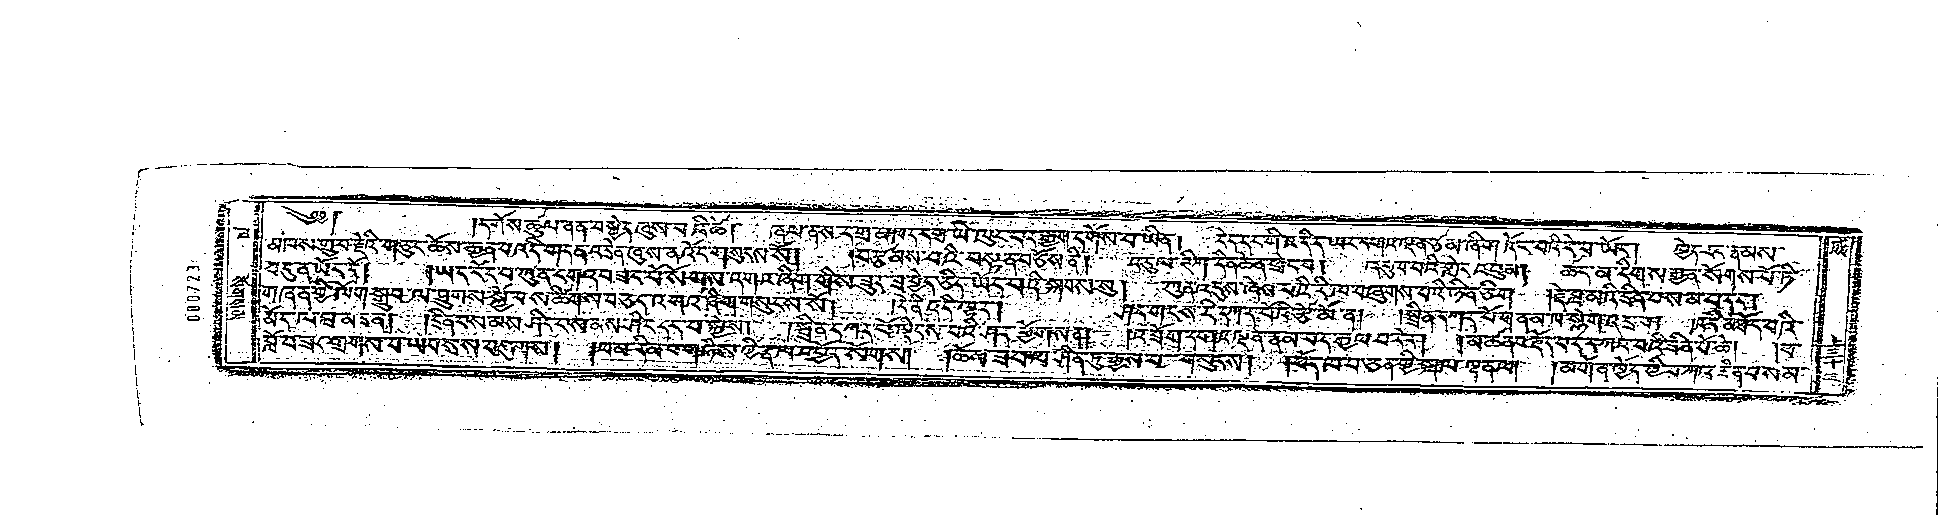༄༅། །དགོས་ཚུལ་ནན་བསྐྱེད་ཞུས་པའི་ཚེ། ཞལ་ནས་དགྲ་མཁང་དགྲ་ཡི་ལུང་པར་རྒྱག་དགོས་པ་ཡིན། དེང་རང་གི་འདིར་ཡང་དགའ་ལྡན་ཙམ་ཞིག་འོང་བའི་རེ་བ་ཡོད། ཁྱེད་རང་རྣམས་མཁས་གྲུབ་རྗེའི་གཅུང་ཆོས་རྒྱན་པ་འདི་གདན་འདྲེན་ཞུས་ན་འོང་གསུངས་སོ། །བརྩམས་བའི་བསྟན་བཅོས་ནི། འདུལ་ཊིཀ་རིན་ཆེན་ཕྲེང་བ། འདུལ་བའི་གླེང་འབུམ། ཚང་མ་རིགས་རྒྱན་སོགས་པོ་ཏི་
བདུན་ཡོད་དོ། །ཡང་དོད་པ་ཀུན་དགའ་བཟང་པོ་སོགས་འགའ་ཞིག་གིས་ཟུང་ཟ་བྱེད་ཅིང་ཡོད་པའི་སྐབས་སུ། ཀུན་འདུས་ཞེས་པའི་རི་ལ་བཞུགས་པའི་ཉིན་ཅིག །རྗེ་བླ་མའི་དྲིན་བསམ་པ་དང་།
གཞན་གྱི་ལོག་སྒྲུབ་ལ་ཐུགས་སྐྱོ་བས་ཚིགས་བཅད་འགའ་ཞིག་གསུངས་སོ། །དེ་ནི་འདི་ལྟར། ཤར་གངས་རི་དཀར་པོའི་རྩེ་མོ་ན། །སྦྲིན་དཀར་པོ་གནམ་ལ་སྙེག་འདྲ་བ། །འདི་མཐོང་བའི་
མོང་ལ་བླ་མ་དྲན། །དྲིན་བས་མས་ཤིང་བསམས་ཤིང་དད་པ་སྐྱེས། །སྤྲིན་དཀར་པོ་ལྡིངས་པའི་ཤར་ཕྱོགས་ན། །འབྲོག་དགའ་ལྡན་རྣམ་པར་རྒྱལ་བ་དེར། །མཚན་བརྗོད་པར་དཀའ་བའི་རིན་པོ་ཆེ། །ཕ་
བློ་བཟང་གྲགས་པ་ཡབ་སྲས་བཞུགས། །ལམ་རིམ་པ་གཉིས་ཀྱི་རྣལ་འབྱོར་སོགས། །ཆོས་ཟབ་ལ་ཤིན་ཏུ་རྒྱས་པ་གསུངས། །བོད་ཁ་བ་ཅན་གྱི་སྐལ་ལྡན་ལ། །མགོན་ཁྱོད་ཀྱི་བཀའ་དྲིན་བསམ་